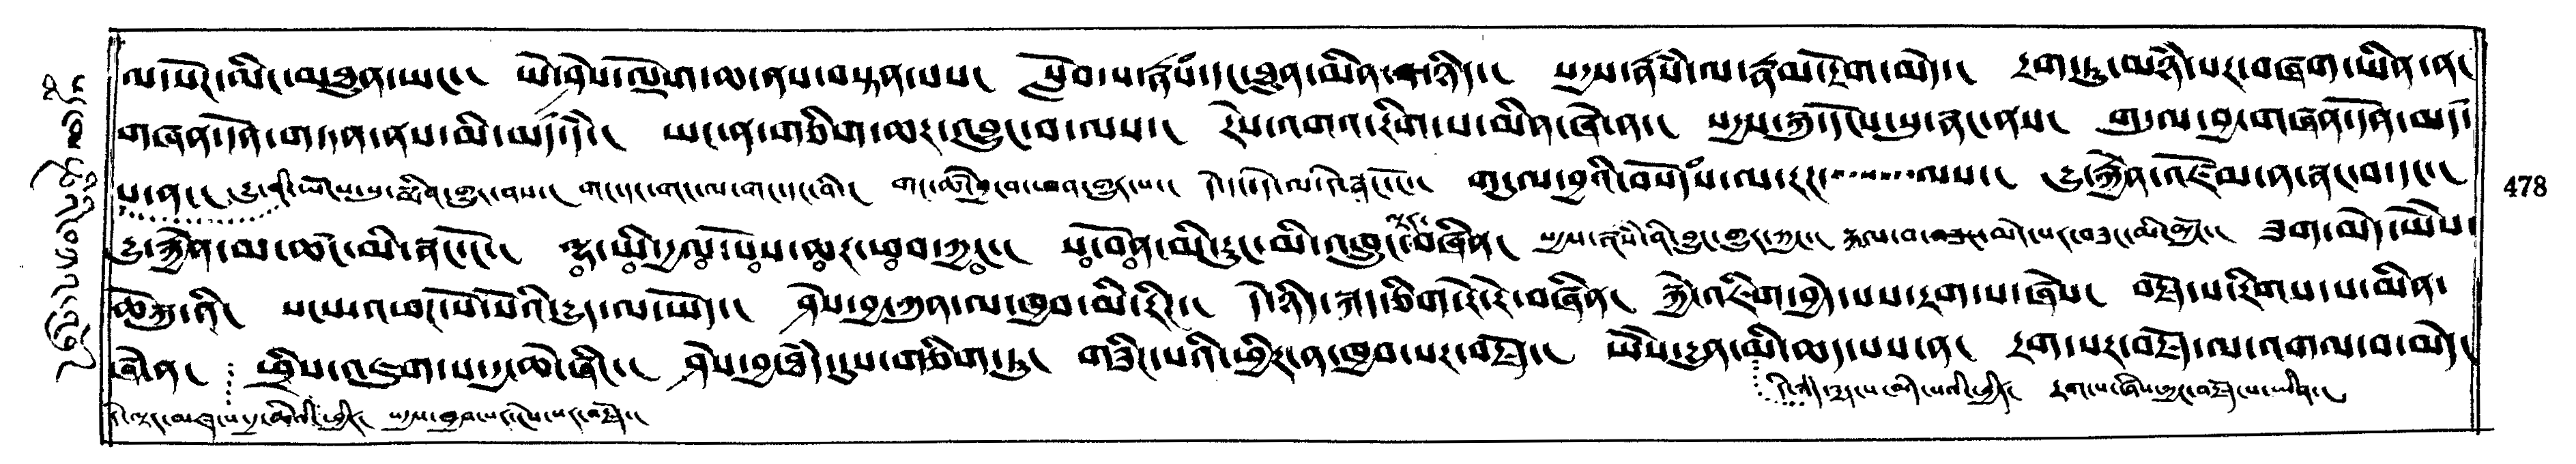ལ་སོགས་མིང་མཐུན་ཡང་། །ཡེ་ཤེས་ལྡོག་ཆ་ནས་བསྟན་པས། །སློབ་པ་རྣམས་དང་ཐུན་མིན་ཉིད། །སངས་རྒྱས་རྣམས་ལ་རྣམ་རྟོག་མེད། །རྟག་ཏུ་མཉམ་པར་བཞག་ཡིན་ན། །
གཞན་དོན་གཏན་ནས་མི་མཛད་དམ། །ཡང་ན་གཅིག་ཆར་འབྱུང་བ་ལས། །རེས་འགའ་རིག་པ་མིན་ཞེ་ན། །སངས་རྒྱས་སྐུ་དངོས་སུ་སྣང་ནས། །གདུལ་བྱ་གཞན་དོན་མཛད་
པ་ན། །རྒྱུ་ནི་ཡོངས་སུ་སྨིན་གྱུར་ནས། །གང་དང་གང་ལ་གང་དང་ནི། །གང་ཚེ་བྱ་བ་ཕན་གྱུར་པ། །དེ་དང་དེ་ལ་དེ་སྣང་ངོ་།། གདུལ་བྱའི་བསོད་ནམས་ལ་རག་ལས། །རྒྱུ་རྐྱེན་འཛོམས་ན་སྣང་བ་དང་། །
རྒྱུ་རྐྱེན་མ་ཚང་མི་སྣང་ངོ་། །ལྷ་ཡི་རྒྱལ་པོས་ཆར་ཕབ་ཀྱང་། །ས་བོན་མི་རུང་མི་འཁྲུང་ལྟར་བཞིན། ། སངས་རྒྱས་རྣམ་ནི་བྱུང་གྱུར་ཀྱང་། །སྐལ་བ་མེད་པར་བཟང་མི་མྱོང་།། ཟག་མེད་ཡེ་ཤེས་
ཆོས་སྐུ་ནི། །སངས་འཕགས་སོ་སོའི་རྒྱུད་ལ་ཡོད། །ཤེས་བྱ་ཀུན་ལ་ཁྱབ་མི་རིགས། །དེ་ཉིད་སྐད་ཅིག་རེ་རེ་བཞིན། །སྐྱེ་འཇིག་བྱེད་པས་རྟག་པ་ཞེས། །བརྗོད་པ་རིགས་པ་མིན་
ཞེ་ན།། དེ་ལྟར་མཛད་པ་རྒྱ་ཆེའི་ཕྱིར། །སངས་རྒྱས་ཁྱབ་པར་ངེས་པར་བརྗོད།། ཕྲིན་ལས་འཇུག་པ་རྒྱ་ཆེ་ཞིང་། །ཤེས་བྱ་ཐམས་ཅད་དུས་གཅིག་ཏུ། །གཟིགས་པའི་ཕྱིར་ན་ཁྱབ་པར་བརྗོད། །ཡེ་ཤེས་རྒྱུན་དེ་ཉིད་ཟད་པ་མེད་པའི་ཕྱིར། །རྟག་པ་ཞེས་ཀྱང་བརྗོད་པ་ཡིན། ། མི་ཆད་པས་ན། །རྟག་པར་བརྗོད་ལ་འགལ་བ་མེད།།